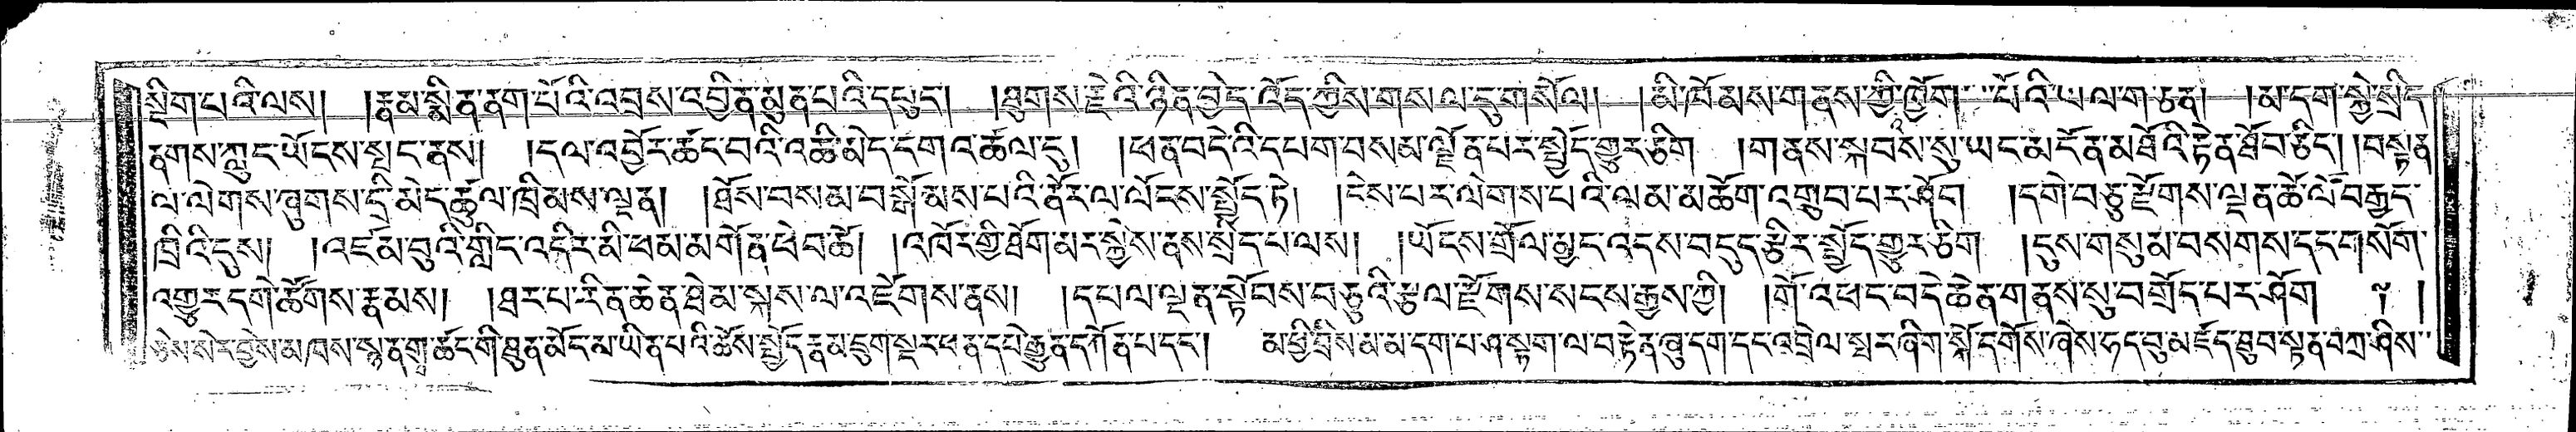སྡིག་པའི་ལས། །རྣམ་སྨིན་ནག་པོའི་འབྲས་འབྱིན་མུན་པའི་དཔུང་། །ཐུགས་རྗེའི་ཉིན་བྱེད་འོད་ཀྱིས་གསལ་དུ་གསོལ། །མི་ཁོམས་གནས་ཀྱི་འཁྱོག་པོའི་ཡལ་ག་ཅན། །མ་དག་སྐྱེ་སྲིད་
ནགས་ཀླུང་ཡོངས་སྤང་ནས། །དལ་འབྱོར་ཚང་བའི་འཆི་མེད་དགའ་ཚལ་དུ། །ཕན་བདེའི་དཔག་བསམ་ལྗོན་པར་སྤྱོད་གྱུར་ཅིག །གནས་སྐབས་སུ་ཡང་མངོན་མཐོའི་རྟེན་ཐོབ་ཅིང་། །བསྟན་
ལ་ལེགས་ཞུགས་དྲི་མེད་ཚུལ་ཁྲིམས་ལྡན། །ཐོས་བསམ་བསྒོམས་པའི་ནོར་ལ་ལོངས་སྤྱོད་ཏེ། །ངེས་པར་ལེགས་པའི་ལམ་མཆོག་འགྲུབ་པར་ཤོག །དགེ་བཅུ་རྫོགས་ལྡན་ཚེ་ལོ་བརྒྱད་
ཁྲིའི་དུས། །འཛམ་བུའི་གླིང་འདིར་མི་ཕམ་མགོན་ཕེབ་ཚེ། །འཁོར་གྱི་ཐོག་མར་སྐྱེས་ནས་སྲིད་པ་ལས། །ཡོངས་གྲོལ་མྱང་འདས་བདུད་རྩིར་སྤྱོད་གྱུར་ཅིག །དུས་གསུམ་བསགས་དང་གསོག་
འགྱུར་དགེ་ཚོགས་རྣམས། །ཐར་པ་རིན་ཆེན་ཐེམ་སྐས་ལ་འཛེགས་ནས། །དཔལ་ལྡན་སྟོབས་བཅུའི་རྩལ་རྫོགས་སངས་རྒྱས་ཀྱི། །གོ་འཕང་བདེ་ཆེན་གནས་སུ་བགྲོད་པར་ཤོག ༈ །
ཅེས་སེར་བྱེས་མཁས་སྙན་གྲྭ་ཚང་གི་ཐུན་མོང་མ་ཡིན་པའི་ཆོས་སྤྱོད་རྣམ་དྲུག་སྔར་ཕན་དཔེ་རྒྱུན་དཀོན་པ་དང་། མ་ཕྱི་བྲིས་མ་མ་དག་པ་ཤ་སྟག་ལ་བརྟེན་ཞུ་དག་དང་འབྲེལ་སྤར་ཞིག་སྐོ་དགོས་ཞེས་ཧད་བུ་མཛད་ཐུབ་བསྟན་བཀྲ་ཤིས་